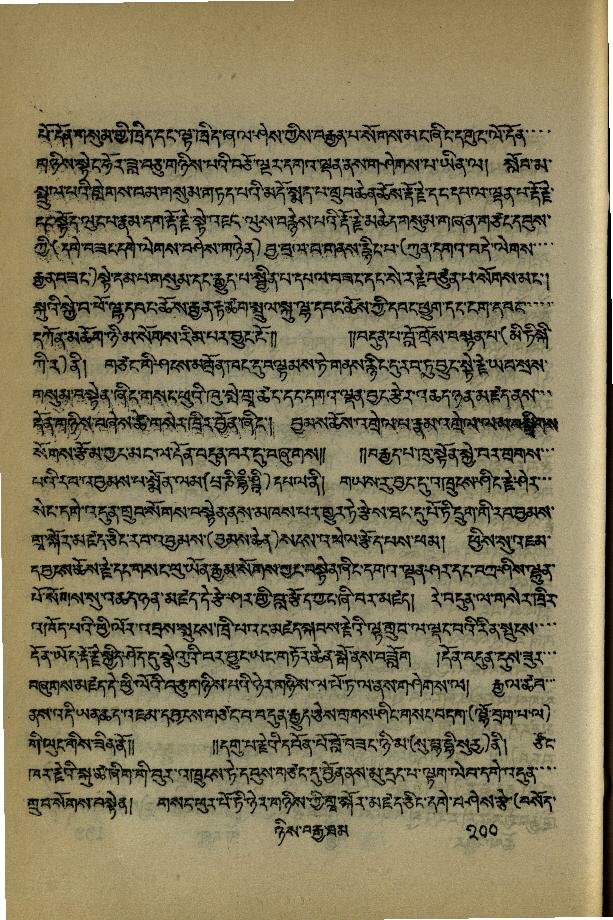པོ་དོན་གསུམ་གྱི་ཁྲིད་དང་ལྟ་ཁྲིད་ཞལ་ཤེས་ཀྱིས་བརྒྱན་པ་སོགས་མང་ཞིང་དགུང་ལོ་དོན་
གཉིས་སྟེང་ཧོར་ཟླ་བཅུ་གཉིས་པའི་བཅོ་ལྔར་དགའ་ལྡན་ནས་གཤེགས་པ་ཡིན་ལ། སློབ་མ་
སྤྲུལ་པའི་གླེགས་བམ་གསུམ་གཏད་པའི་མདོ་སྨད་པ་གྲུབ་ཆེན་ཆོས་རྡོ་རྗེ་དང་དཔལ་ལྡན་པ་རྡོ་རྗེ་
དང་སྟོད་ལུང་པ་རྣམ་དག་རྡོ་རྗེ་སྟེ་འཇང་ལུས་བརྙེས་པའི་རྡོ་རྗེ་མཆེད་གསུམ་གཞན་གཙང་དབུས་
ཀྱི་དགེ་བཟང་དགེ་ལེགས་བཤེས་གཉེན་བྱ་བྲལ་བ་གནས་རྙིང་པ་ཀུན་དགའ་བདེ་ལེགས་
རྒྱན་བཟང་སྟེ་དམ་པ་གསུམ་དང་རྒྱུད་པ་སྦྱིན་པ་དཔལ་བཟང་དང་སེ་ར་རྗེ་བཙུན་པ་སོགས་མང་།
སྐུའི་སྐྱེ་བ་ཕོ་ལྷ་དབང་ཆོས་རྒྱན་རྟ་ཚག་སྤྲུལ་སྐུ་ལྷ་དབང་ཆོས་ཀྱི་དབང་ཕྱུག་དང་ངག་དབང་
དཀོན་མཆོག་ཉི་མ་སོགས་རིམ་པར་བྱུང་ངོ།། །།བདུན་པ་བློ་གྲོས་བསྟན་པ་མི་ཏིསྐི་
ཀི་ར་ནི། གཙང་གི་ཤངས་མགྲོན་ཁང་དུ་བལྟམས་ཏེ་གནས་རྙིང་དུ་རབ་ཏུ་བྱུང་སྟེ་རྗེ་ཡབ་སྲས་
གསུམ་བསྟེན་ཞིང་གསང་ཕུའི་ཁུ་སྤེ་གྲྭ་ཚང་དང་དགའ་ལྡན་བྱང་རྩེར་འཆད་ཉན་མཛད་ནས་
དོན་གཉིས་བཞེས་ཚེ་གསེར་ཁྲིར་བྱོན་ཞིང་། བྱམས་ཆོས་འགྲེལ་པ་རྣམ་འགྲེལ་ལམ་བསྒྲིགས་
སོགས་རྩོམ་ཀྱང་མང་ལ་དོན་བདུན་བར་དུ་བཞུགས།། །།བརྒྱད་པ་ཁུ་སྟོན་སྐྱེ་བར་གྲགས་
པའི་རབ་འབྱམས་པ་སྨོན་ལམ་པྲ་ཎི་དྷཾ་ཤྲཱི་དཔལ་ནི། གཡས་རུ་བྱང་དུ་འཁྲུངས་ཤིང་རྗེ་ཤེར་
སེང་དགེ་འདུན་གྲུབ་སོགས་བསྟེན་ནས་མཁས་པར་གྱུར་ཏེ་རྩེས་ཐང་དུ་པོ་ཏི་དྲུག་གི་རབ་བྱམས་
གྲྭ་སྐོར་མཛད་ཅིང་རབ་འབྱམས་བྱམས་ཆེན་སངས་འཕེལ་རྩོད་པས་ཕམ། ཕྱིས་སུ་འཇམ་
དབྱངས་ཆོས་རྗེ་དང་གསང་ལུ་ཡོན་རྒྱམ་སོགས་ཀྱང་བསྟེན་ཞིང་དགའ་ལྡན་ཤར་དང་བཀྲ་ཤིས་ལྷུན་
པོ་སོགས་སུ་འཆད་ཉན་མཛད་དེ་རྩེ་ཤར་གྱི་བླ་རྩོད་ཀྱང་ཞི་བར་མཛད། རེ་བདུན་ལ་གསེར་ཁྲིར་
འཁོད་པའི་ཕྱི་ལོར་འབྲས་སྤུངས་ཁྲི་པའང་མཛད་སྐབས་རྗེའི་ལྟ་གྲུབ་ལ་ལྡང་བའི་རིན་སྤུངས་
དོན་ཡོད་རྡོ་རྗེ་སྐྱིད་ཤོད་དུ་སྣེའུའི་བར་བྱུང་ཡང་གཏོར་ཆེན་སྒོ་ནས་བཟློག །དོན་བདུན་དུས་ཟུར་
བཞུགས་མཛད་དེ་ཕྱི་ལོའི་བཅུ་གཉིས་པའི་ཉེར་གཉིས་ལ་པོ་ཏ་ལ་ནས་གཤེགས་ལ། རྒྱལ་ཚབ་
ནས་འདི་ཡན་ཆད་འཇམ་དབྱངས་གཙང་བ་བདུན་རྒྱུད་ཅེས་གྲགས་ཤིང་གསང་བདག་ལྷོ་བྲག་པ་ལ
གི་ལུང་གིས་ཟིན་ནོ།། །།དགུ་པ་རྗེའི་དབོན་པོ་བློ་བཟང་ཉི་མ་སུ་བྷ་དྷི་སུརྱ་ནི། ཙང་
ཁར་རྗེའི་སྐུ་ཚ་ཞིག་གི་བུར་འཁྲུངས་ཏེ་དབུས་གཙང་དུ་བྱོན་ནས་མུ་དྲང་པ་ལྟག་ལེབ་དགེ་འདུན་
གྲུབ་སོགས་བསྟེན། གསང་ཕུར་པོ་ཏི་ཉེར་གཉིས་ཀྱི་གྲྭ་སྐོར་མཛད་ཅིང་དགེ་བཤེས་རྩེ་བསོད་